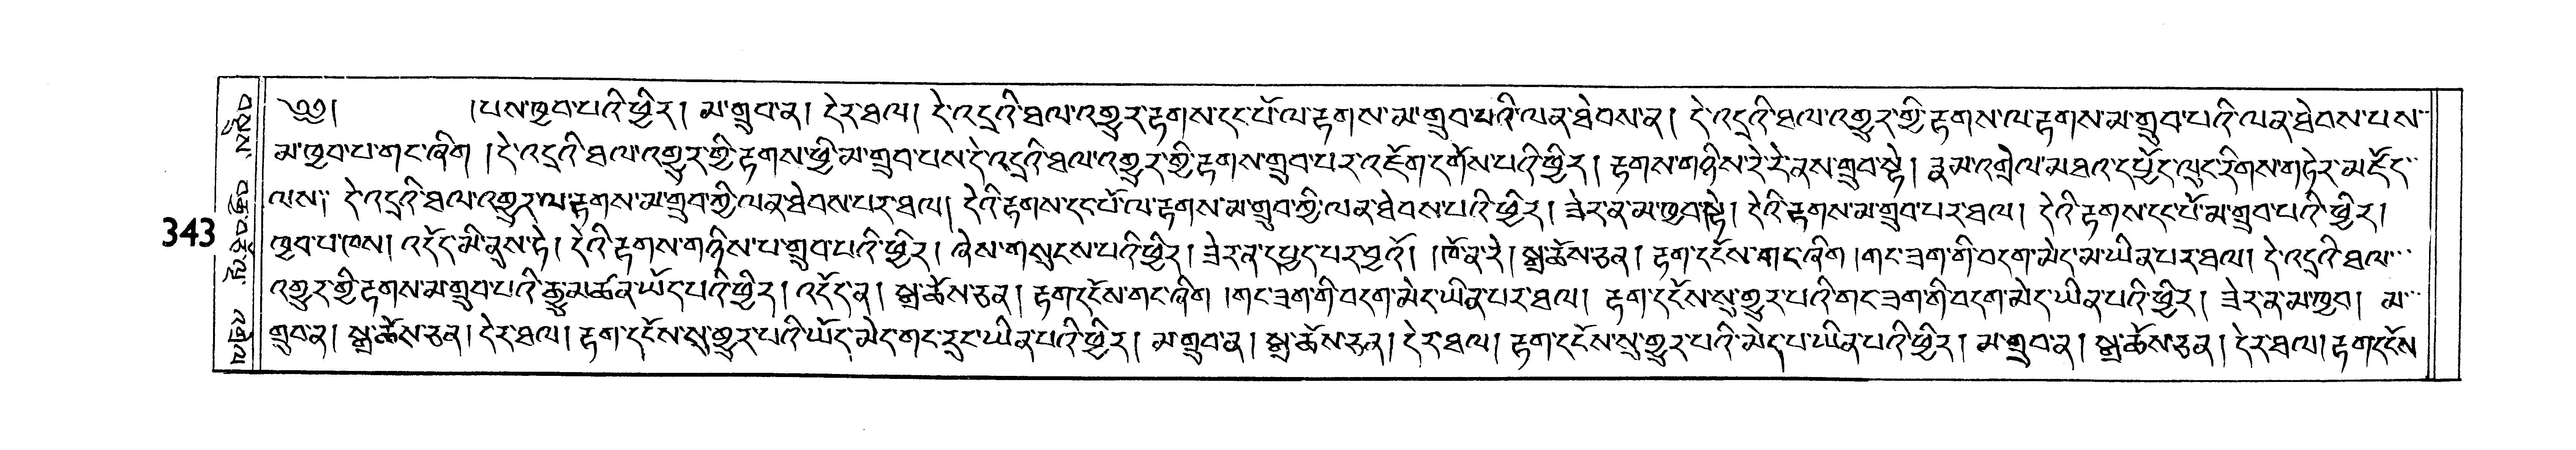༄༅། །པས་ཁྱབ་པའི་ཕྱིར། མ་གྲུབ་ན། དེར་ཐལ། དེ་འདྲའི་ཐལ་འགྱུར་རྟགས་དང་པོ་ལ་རྟགས་མ་གྲུབ་པའི་ལན་ཐེབས་ན། དེ་འདྲའི་ཐལ་འགྱུར་གྱི་རྟགས་ལ་རྟགས་མ་གྲུབ་པའི་ལན་ཐེབས་པས་
མ་ཁྱབ་པ་གང་ཞིག །དེ་འདྲའི་ཐལ་འགྱུར་གྱི་རྟགས་ཕྱི་མ་གྲུབ་པས་དེ་འདྲའི་ཐལ་འགྱུར་གྱི་རྟགས་གྲུབ་པར་འཇོག་དགོས་པའི་ཕྱིར། རྟགས་གཉིས་རེ་རེ་ནས་གྲུབ་སྟེ། རྣམ་འགྲེལ་མཐའ་དཔྱོད་ལུང་རིགས་གཏེར་མཛོད་
ལས༑ དེ་འདྲའི་ཐལ་འགྱུར་ལ་རྟགས་མ་གྲུབ་ཀྱི་ལན་ཐེབས་པར་ཐལ། དེའི་རྟགས་དང་པོ་ལ་རྟགས་མ་གྲུབ་ཀྱི་ལན་ཐེབས་པའི་ཕྱིར། ཟེར་ན་མ་ཁྱབ་སྟེ། དེའི་རྟགས་མ་གྲུབ་པར་ཐལ། དེའི་རྟགས་དང་པོ་མ་གྲུབ་པའི་ཕྱིར།
ཁྱབ་པ་ཁས། འདོད་མི་ནུས་ཏེ། དེའི་རྟགས་གཉིས་པ་གྲུབ་པའི་ཕྱིར། ཞེས་གསུངས་པའི་ཕྱིར། ཟེར་ན་དཔྱད་པར་བྱའོ། །ཁོ་ན་རེ། སྒྲ་ཆོས་ཅན། རྟག་དངོས་གང་ཞིག །གང་ཟག་གི་བདག་མེད་མ་ཡིན་པར་ཐལ། དེ་འདྲའི་ཐལ་
འགྱུར་གྱི་རྟགས་མ་གྲུབ་པའི་རྒྱུ་མཚན་ཡོད་པའི་ཕྱིར། འདོད་ན། སྒྲ་ཆོས་ཅན། རྟག་དངོས་གང་ཞིག །གང་ཟག་གི་བདག་མེད་ཡིན་པར་ཐལ། རྟག་དངོས་སུ་གྱུར་པའི་གང་ཟག་གི་བདག་མེད་ཡིན་པའི་ཕྱིར། ཟེར་ན་མ་ཁྱབ། མ་
གྲུབ་ན། སྒྲ་ཆོས་ཅན། དེར་ཐལ། རྟག་དངོས་སུ་གྱུར་པའི་ཡོད་མེད་གང་རུང་ཡིན་པའི་ཕྱིར། མ་གྲུབ་ན། སྒྲ་ཆོས་ཅན། དེར་ཐལ། རྟག་དངོས་སུ་གྱུར་པའི་མེད་པ་ཡིན་པའི་ཕྱིར། མ་གྲུབ་ན། སྒྲ་ཆོས་ཅན། དེར་ཐལ། རྟག་དངོས་